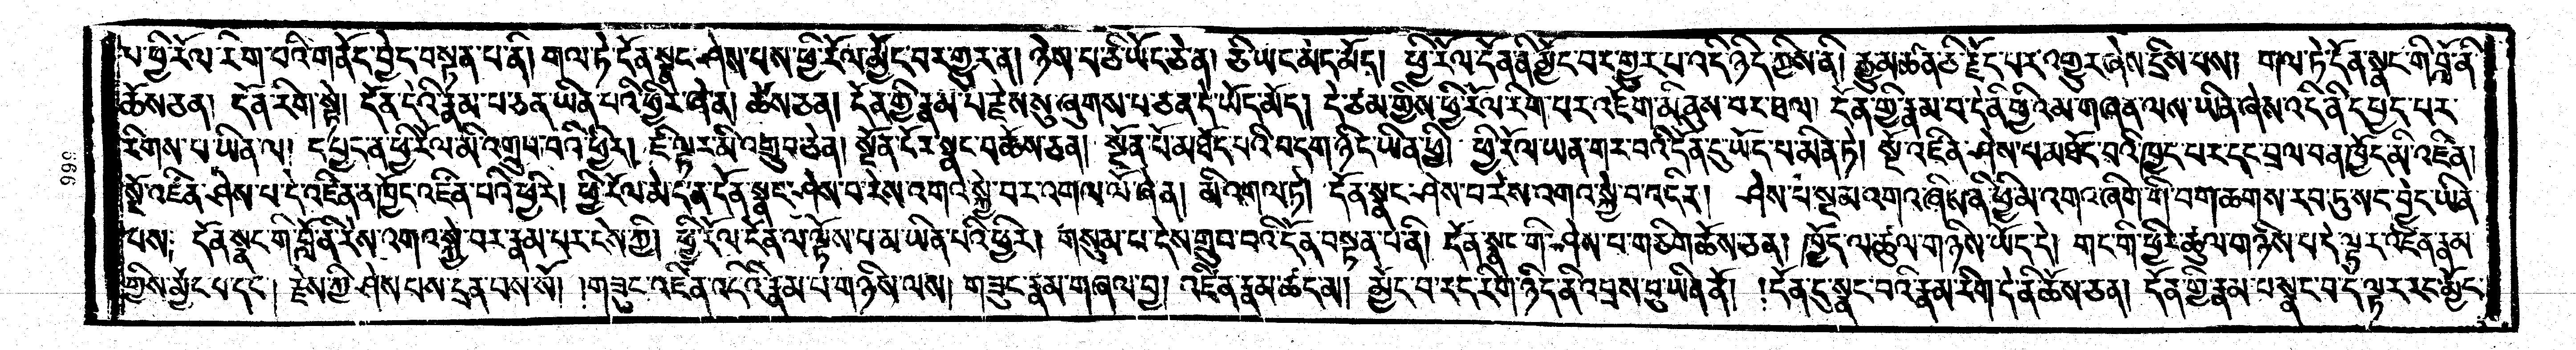པ་ཕྱི་རོལ་རིག་པའི་གནོད་བྱེད་བསྟན་པ་ནི། གལ་ཏེ་དོན་སྣང་ཤེས་པས་ཕྱི་རོལ་མྱོང་བར་གྱུར་ན། ཉེས་པ་ཅི་ཡོད་ཅེ་ན། ཅི་ཡང་མེད་མོད། ཕྱི་རོལ་དོན་ནི་མྱོང་བར་གྱུར་པ་འདི་ཉིད་ཀྱིས་ནི། རྒྱུ་མཚན་ཅི་བརྗོད་པར་འགྱུར་ཞེས་དྲིས་པས། གལ་ཏེ་དོན་སྣང་གི་བློ་ནི་
ཆོས་ཅན། དོན་རིག་སྟེ། དོན་དེའི་རྣམ་པ་ཅན་ཡིན་པའི་ཕྱིར་ཞེ་ན། ཚེས་ཅན། དོན་གྱི་རྣམ་པ་རྗེས་སུ་ཞུགས་པ་ཅན་དེ་ཡོད་མོད། དེ་ཙམ་གྱིས་ཕྱི་རོལ་རིག་པར་འཇོག་མི་ནུས་པར་ཐལ། དོན་གྱི་རྣམ་པ་དེ་ནི་ཕྱི་འམ་གཞན་ལས་ཡིན་ཞེས་འདི་ནི་དཔྱད་པར་
རིགས་པ་ཡིན་ལ། དཔྱད་ན་ཕྱི་རོལ་མི་འགྲུབ་པའི་ཕྱིར། ཇི་ལྟར་མི་འགྲུབ་ཅེ་ན། སྔོན་ངོར་སྣང་བ་ཆོས་ཅན། སྔོན་པོ་མཐོང་པའི་བདག་ཉིད་ཡིན་ཕྱི། ཕྱི་རོལ་ཡན་གར་བའི་དོན་དུ་ཡོད་པ་མིན་ཏེ། སྔོ་འཛིན་ཤེས་པ་མཐོང་བའི་ཁྱད་པར་དང་བྲལ་བ་ན་ཁྱོད་མི་འཛིན།
སྔོ་འཛིན་ཤེས་པ་དེ་འཛིན་ན་ཁྱོད་འཛིན་པའི་ཕྱིར། ཕྱི་རོལ་མེད་ན་དོན་སྣང་ཤེས་པ་རེས་འགའ་སྐྱེ་བར་འགལ་ལོ་ཞེ་ན། མི་འགལ་ཏེ། དོན་སྣང་ཤེས་པ་རེས་འགའ་སྐྱེས་བ་འདིར། ཤེས་པ་སྔ་མ་འགའ་ཞིས་ཞི་ནི་ཕྱི་མ་འགའ་ཞིག་གི་བག་ཆགས་རབ་ཏུ་སང་བྱེད་ཡིན་
པས། དོན་སྣང་གི་བློ་ནི་རེས་འགའ་སྐྱེ་བར་རྣམ་པར་ངེས་ཀྱི། ཕྱི་རོལ་དོན་ལ་ལྟོས་པ་མ་ཡིན་པའི་ཕྱིར། གསུམ་པ་དེས་གྲུབ་པའི་དོན་བསྟན་པ་ནི། དོན་སྣང་གི་ཤེས་པ་གཅིག་ཆོས་ཅན། ཁྱོད་ལ་ཚུལ་གཉིས་ཡོད་དེ། གང་གི་ཕྱིར་ཚུལ་གཉིས་པ་དེ་ལྟར་འཛིན་རྣམ་
གྱིས་མྱོང་པ་དང་། རྗེས་ཀྱི་ཤེས་པས་དྲན་པས་སོ། །གཟུང་འཛིན་འདིའི་རྣམ་པ་གཉིས་ལས། གཟུང་རྣམ་གཞལ་བྱ། འཛིན་རྣམ་ཚད་མ། མྱོང་བ་རང་རིག་ཉིད་ནི་འབྲས་བུ་ཡིན་ནོ། །དོན་དུ་སྣང་བའི་རྣམ་རིག་དེ་ནི་ཆོས་ཅན། དོན་གྱི་རྣམ་པ་སྣང་བ་དེ་ལྟར་རང་མྱོང་